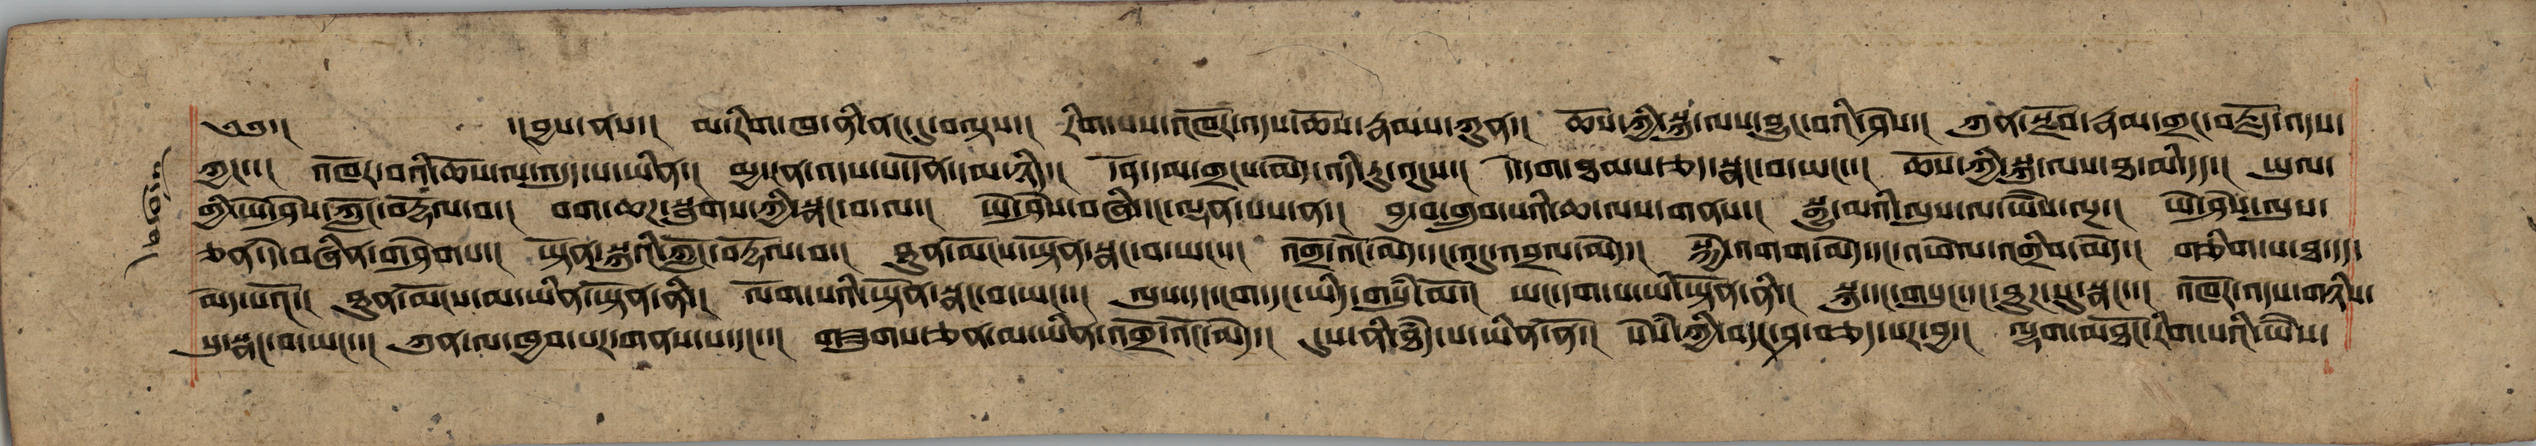༄༅་། ་།བྱས་ནས་། མ་རིག་ཁ་ནི་ནང་དུ་བལྟས་། རིག་པས་འཁོར་འདས་ཆོས་རྣམས་ཀུན་། ཆོས་ཀྱི་སྐུ་ལས་བྱུང་བའི་ཤེས་། ཀུན་སྫོབ་རྣམ་གྲང་བརྗོད་འདས་
ཀྱང་་། འཁོར་བའི་ཆོས་ལ་འདུད་པ་ཡིན་། མྱ་ངན་འདས་པ་དོན་དམ་ཉིད་། དོན་དམ་གྲངས་མེད་འདི་རུ་འདུས་། དེ་དག་ཐམས་ཅད་སྣང་བ་ཡང་་། ཆོས་ཀྱི་སྐུ་ལས་ཐ་མི་དད་། ཡུལ་
གྱི་ཡེ་ཤེས་ཀློང་བརྡོལ་བ་། བག་ཆཌ་སྦུགས་ཀྱི་སྣང་བ་ལ་། ཡེ་ཤེས་བཞི་དང་ལྡན་པས་ན་། བྱ་བ་གྲུབ་པའི་ཆ་ལས་གནས་། སྒྱུ་མའི་ལུས་ལ་ཡཻས་ལྔ་། ཡེ་ཤེས་ལུས་
ཅན་དེ་བཞིན་གཤེགས་། ཡྟོན་སྐུའི་ཀློང་བརྡོལ་བ་། ཐུན་མོངས་ཡྟོན་སྣང་བ་ཡང་་། འགྲོ་འོང་མེད་དང་འདུ་འབྲལ་མེད་། སྐྱེ་འགག་མེད་དང་འཕེལ་འགྲིབ་མེད་། གཅིག་པ་ཐ་དད་
མེད་པའོ་། ཐུན་མོངས་མ་ཡིན་ཡྟོན་ནི་། ལོག་པའི་ཡྟོན་སྣང་བ་ཡང་་། ལུས་དང་ངག་དང་ཡིད་གསུཾ་མོ་། ཡང་དག་པ་ཡི་ཡྟོན་ནི་། སྐུ་དང་གསུང་དང་ཐུཌ་སུ་སྣང་་། འཁོར་འདས་གཉིས་
སུ་སྣང་བ་ཡང་་། ཀུན་ལ་ཁྱབ་པར་གནས་པ་དང་་། གཟུགས་ཅན་མ་ཡིན་འགྲོ་འོང་མེད་། དུས་ནི་ཐཾད་པ་ཡིན་ནོ་། སེཾས་ཀྱི་བདར་ཤ་བཅད་པར་བྱ་། ལྷག་མཐོང་རིག་པའི་ཡཻས་